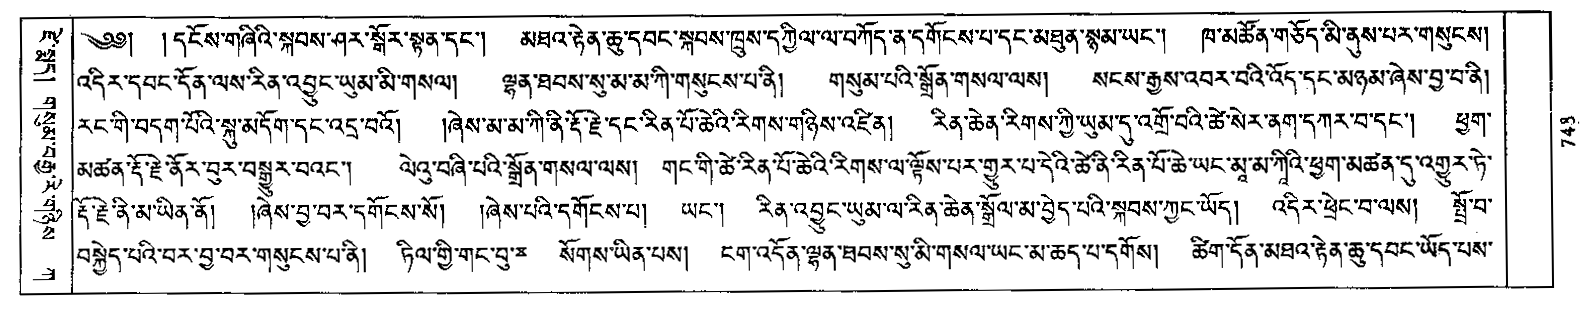༄༅། །དངོས་གཞིའི་སྐབས་ཤར་སྒོར་སྟན་དང་། མཐའ་རྟེན་ཆུ་དབང་སྐབས་ཁྲུས་དཀྱིལ་ལ་བཀོད་ན་དགོངས་པ་དང་མཐུན་སྙམ་ཡང་། ཁ་མཚོན་གཅོད་མི་ནུས་པར་གསུངས།
འདིར་དབང་དོན་ལས་རིན་འབྱུང་ཡུམ་མི་གསལ། ལྷན་ཐབས་སུ་མ་མ་ཀི་གསུངས་པ་ནི། གསུམ་པའི་སྒྲོན་གསལ་ལས། སངས་རྒྱས་འབར་བའི་འོད་དང་མཉམ་ཞེས་བྱ་བ་ནི།
རང་གི་བདག་པོའི་སྐུ་མདོག་དང་འདྲ་བའོ། །ཞེས་མ་མ་ཀི་ནི་རྡོ་རྗེ་དང་རིན་པོ་ཆེའི་རིགས་གཉིས་འཛིན། རིན་ཆེན་རིགས་ཀྱི་ཡུམ་དུ་འགྲོ་བའི་ཚེ་སེར་ནག་དཀར་བ་དང་། ཕྱག་
མཚན་རྡོ་རྗེ་ནོར་བུར་བསྒྱུར་བའང་། ལེའུ་བཞི་པའི་སྒྲོན་གསལ་ལས། གང་གི་ཚེ་རིན་པོ་ཆེའི་རིགས་ལ་ལྟོས་པར་གྱུར་པ་དེའི་ཚེ་ནི་རིན་པོ་ཆེ་ཡང་མཱ་མ་ཀཱིའི་ཕྱག་མཚན་དུ་འགྱུར་ཏེ་
རྡོ་རྗེ་ནི་མ་ཡིན་ནོ། །ཞེས་བྱ་བར་དགོངས་སོ། །ཞེས་པའི་དགོངས་པ། ཡང་། རིན་འབྱུང་ཡུམ་ལ་རིན་ཆེན་སྒྲོལ་མ་བྱེད་པའི་སྐབས་ཀྱང་ཡོད། འདིར་ཕྲེང་བ་ལས། སྤྲོ་བ་
བསྐྱེད་པའི་བར་བྱ་བར་གསུངས་པ་ནི། ཏིལ་གྱི་གང་བུ་྾་སོགས་ཡིན་པས། ངག་འདོན་ལྷན་ཐབས་སུ་མི་གསལ་ཡང་མ་ཆད་པ་དགོས། ཚིག་དོན་མཐའ་རྟེན་ཆུ་དབང་ཡོད་པས་